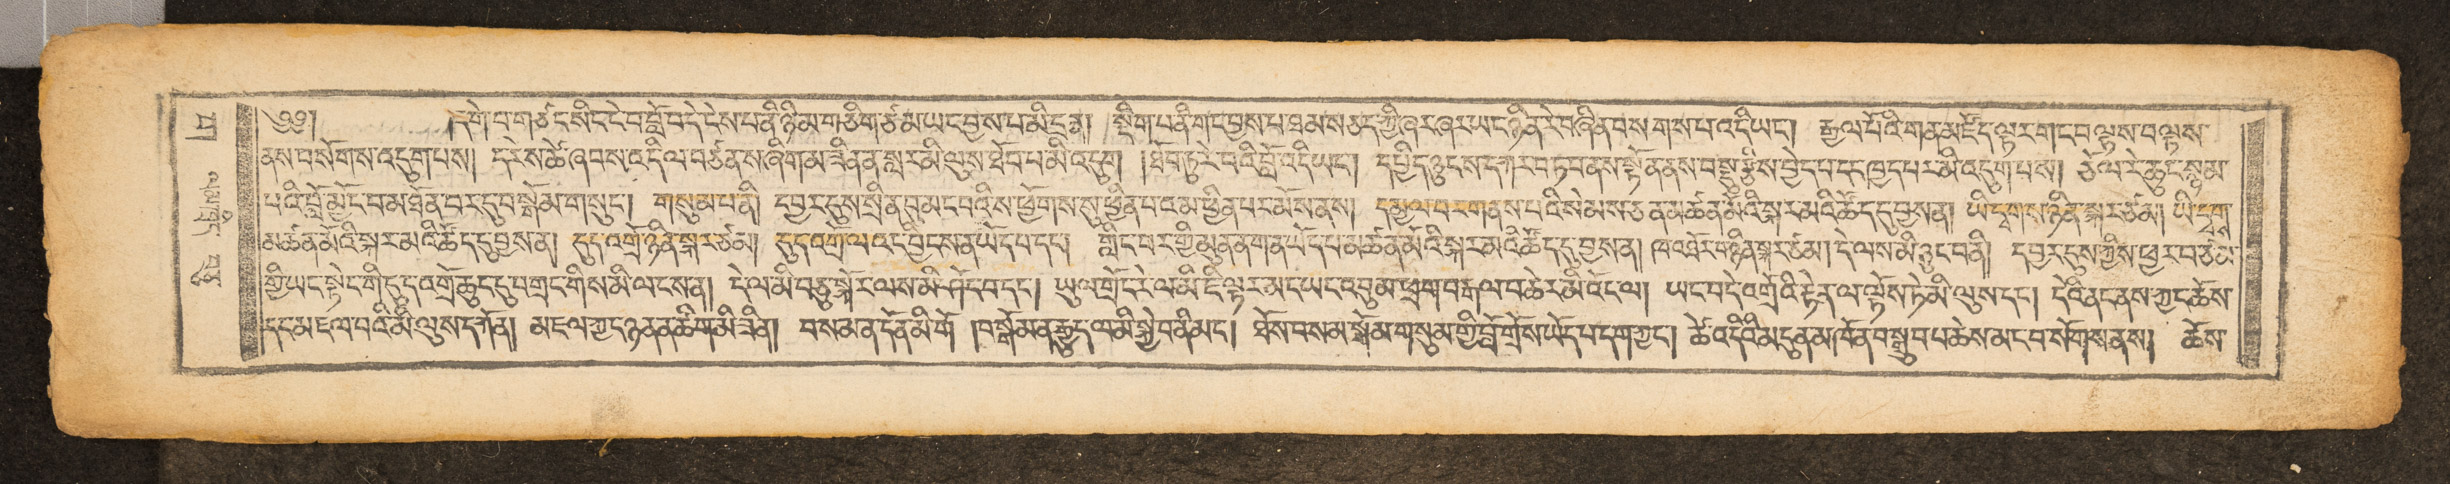༄༅། །དགེ་བ་གཙང་སིང་ངེ་བ་བློ་བ་དེ་ངེས་པ་ནི་ཉི་མ་གཅིག་ཙམ་ཡང་བྱས་པ་མི་དྲན། སྡིག་པ་ནི་གང་བྱས་པ་ཐམས་ཅད་ཀྱི་ཞར་ཞར་ཡང་ཉིན་རེ་བཞིན་བསགས་པ་འདི་ཡང་། རྒྱལ་པོའི་གན་མཛོད་ལྟར་གང་བལྟས་བལྟས་
ནས་བསོགས་འདུག་པས། ད་རེས་ཚེ་ཞབས་འདི་ལ་བཙན་ས་ཞིག་མ་ཟིན་ན་སླར་མི་ལུས་ཐོབ་པ་མི་འདུག །ཐོབ་ཏུ་རེ་བའི་བློ་འདི་ཡང་། དཔྱིང་ཉུངས་དཀར་བཏབ་ནས་སྟོན་ནས་བསྡུ་རྩིས་བྱེད་པ་དང་ཁྱད་པར་མི་འདུག་པས། ཅོལ་རེ་ཆུང་སྙམ་
པའི་བློ་མྱོང་བ་མཐོན་བར་དུ་བསྒོམ་གསུང་། གསུམ་པ་ནི། དབྱར་དུས་སྲིན་བུ་མང་བའི་ས་ཕྱོགས་སུ་ཕྱིན་པ་འམ་ཕྱིན་པར་མོས་ནས། དམྱལ་བར་གནས་པའི་སེམས་ཅན་མཚན་མོའི་སྐར་མའི་ཚོད་དུ་བྱས་ན། ཡི་དྭགས་ཉིན་སྐར་ཙམ། ཡི་དྭགས་
མཚན་མོའི་སྐར་མའི་ཚོད་དུ་བྱས་ན། དུད་འགྲོ་ཉིན་སྐར་ཙམ། དུད་འགྲོ་ལའང་བྱིངས་ན་ཡོད་པ་དང་། གླིང་པར་གྱི་མུན་ནག་ན་ཡོད་པ་མཚན་མོའི་སྐར་མའི་ཚོད་དུ་བྱས་ན། ཁ་འཐོར་བ་ཉིན་སྐར་ཙམ། དེ་ལས་མི་ཉུང་བ་ནི། དབྱར་དུས་ཀྱིས་ཕྱར་བ་ཙམ་
གྱི་ཡང་སྟེང་གི་དུད་འགྲོ་ཆུང་ངུ་བགྲང་གིས་མི་ལངས་ན། དེ་ལ་མི་བཅུ་སྐོར་ལས་མི་ཤོང་བ་དང་། ཡུལ་གྲོང་རེ་ལ་མི་ཇི་ལྟར་མང་ཡང་འབུམ་ཕྲག་བརྒལ་བ་ཆེར་མི་འོང་ལ། ཡང་བདེ་འགྲོའི་རྟེན་ལ་ལྟོས་ཏེ་མི་ལུས་དང་། དེའི་ནང་ནས་ཀྱང་ཆོས་
དང་མཇལ་བའི་མི་ལུས་དཀོན། མཇལ་ཀྱང་ཉན་ན་ཚིག་མི་ཟིན། བསམ་ན་དོན་མི་གོ །བསྒོམ་ན་རྒྱུད་ལ་མི་སྐྱེ་བ་ནི་མང་། ཐོས་བསམ་སྒོམ་གསུམ་གྱི་བློ་གྲོས་ཡོང་པ་དག་ཀྱང་། ཚེ་འདིའི་མདུན་མཁོན་བསྒྲུབ་པ་ཆེས་མང་པ་སོགས་ནས། ཆོས་